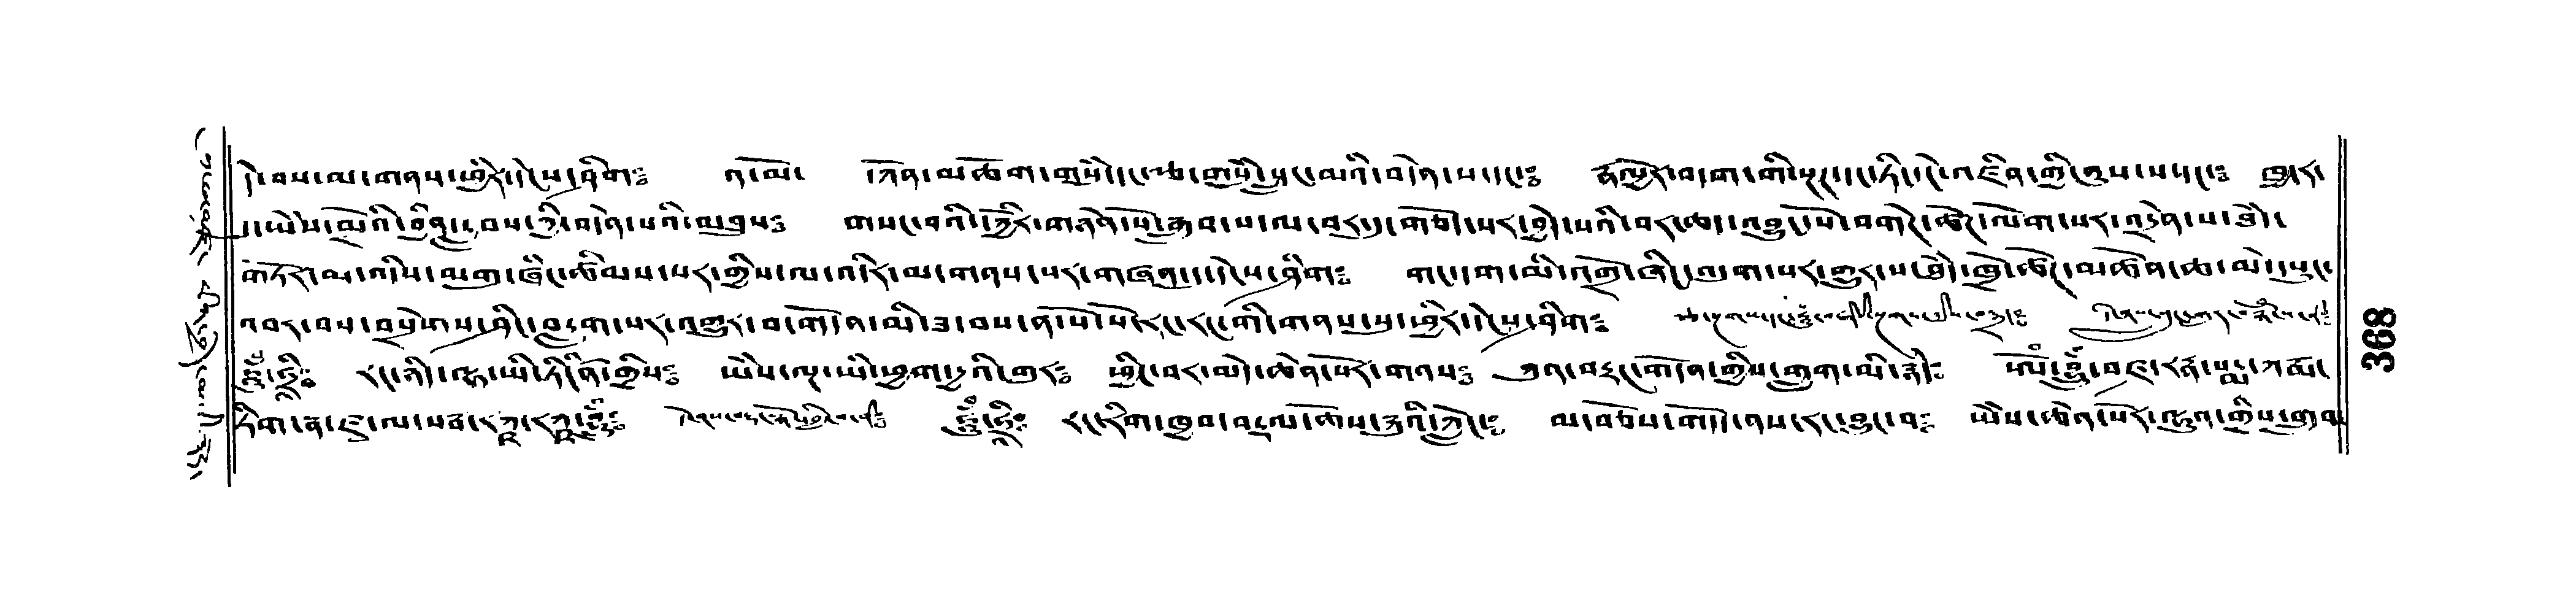དེ་བས་མ་གནས་ཕྱིར་དེངས་ཤིག༔ ན་མོ༔ དཀོན་མཆོག་གསུམ་དང་རྩ་གསུམ་སྲུང་མའི་བདེན་པ་དང༔ རྣལ་འབྱོར་བདག་གི་སྔགས་དང་ཏིང་ངེ་འཛིན་གྱི་ནུས་པ་དང༔ ཁྱད་པར་
དུ་ཡེ་ཤེས་མཁའ་འགྲོའི་བྱིན་རླབས་ཀྱི་བདེན་པའི་མཐུས༔ གསང་བའི་དཀྱིལ་འཁོར་གཉེན་པོ་སྒྲུབ་པ་ལ་བར་དུ་གཅོད་པར་བྱེད་པའི་བར་ཆད་འབྱུང་པོ་བགེགས་ཚོགས་ལོག་པར་འདྲེན་པ་ཐམས་ཅད་
གཏོར་མ་འདིས་མགུ་ཞིང་ཚིམས་པར་གྱིས་ལ་འདིར་མ་གནས་པར་གཞན་དུ་དེངས་ཤིག༔གང་དག་མི་འགྲོ་ཞིང་འདུག་པར་གྱུར་པ་ཐམས་ཅད་ཁྲོ་ཚོགས་མཚོན་ཆ་མེ་དཔུང་
འབར་བས་བསྲེགས་ཤིང་བརླག་པར་འགྱུར་བ་གདོན་མི་ཟ་བས་ན་སོ་སོ་རང་རང་གི་གནས་སུ་ཕྱིར་དེངས་ཤིག༔ རྩ་སྔགས་དང་ཧཱུྃ་བཞིའི་སྔགས་ཀྱིས་བསྐྲད༔ དེ་ནས་སྲུང་གུར་བསྒོམ་པ་ནི༔ 
ཧཱུྃ་ཧྲཱིཿ རང་ཉིད་ལྷ་ཡི་ཏིང་འཛིན་གྱིས༔ ཡེ་ཤེས་ལྔ་ཡི་ཕྱག་རྒྱའི་གུར༔ ཕྱི་ནང་བར་མེད་ཆེན་པོར་གནས༔ ཀུན་བརྟགས་གདོན་གྱིས་གླགས་མི་སྙེད༔ ཨོཾ་བྷྲཱུྃ་བཛྲ་རཏྣ་པདྨ་ཀརྨ་
ཏིཀ་ཀྵ་ཛྭ་ལ་སརྦ་རཀྵ་རཀྵ་བྷྲཱུྃ༔ དེ་ནས་བརྡ་སྒོ་དབྱེ་བ་ནི༔ ཧཱུྃ་ཧྲཱིཿ རང་རིག་ཁྱབ་བརྡལ་ཆོས་སྐུའི་ཀློང༔ མ་བཅོས་གདོད་ནས་རང་བྱུང་བ༔ ཡེ་ཤེས་ཆེན་པོར་ལྷུན་གྱིས་གྲུབཿ